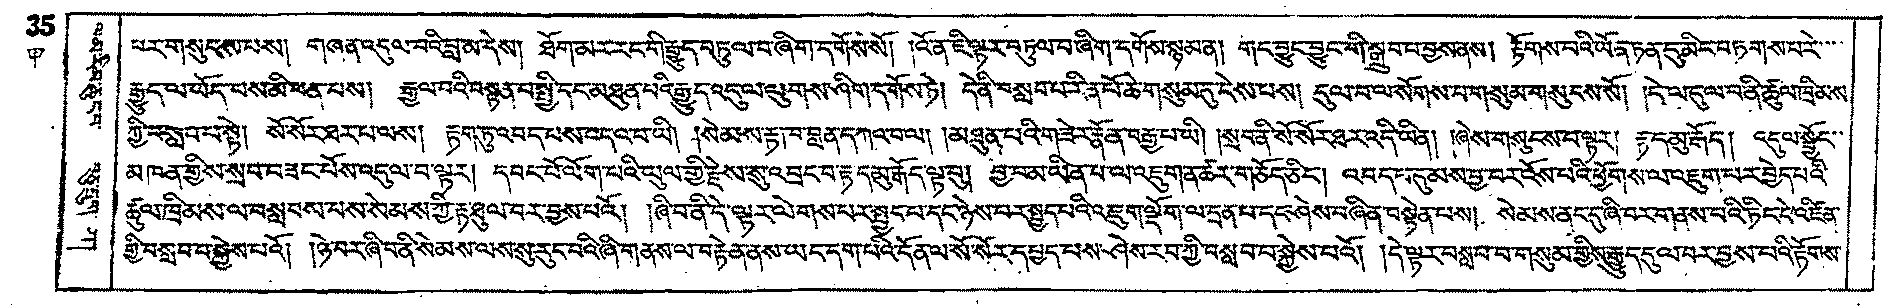༄༅། །པར་གསུངས་པས། གཞན་འདུལ་བའི་བླ་མ་དེས། ཐོག་མར་རང་གི་རྒྱུད་བཏུལ་བ་ཞིག་དགོས་སོ། །འོ་ན་ཇི་ལྟར་བཏུལ་བ་ཞིག་དགོས་སྙམ་ན། གང་བྱུང་བྱུང་གི་སྒྲུབ་པ་བྱས་ནས། རྟོགས་པའི་ཡོན་ཏན་དུ་མིང་བཏགས་པ་རེ་
རྒྱུད་ལ་ཡོད་པས་མི་ཕན་པས། རྒྱལ་བའི་བསྟན་པ་སྤྱི་དང་མཐུན་པའི་རྒྱུད་འདུལ་ལུགས་ཤིག་དགོས་ཏེ། དེ་ནི་བསླབ་པ་རིན་པོ་ཆེ་གསུམ་དུ་ངེས་པས། དུལ་བ་ལ་སོགས་པ་གསུམ་གསུངས་སོ། །དེ་ལ་དུལ་བ་ནི་ཚུལ་ཁྲིམས་
ཀྱི་བསླབ་པ་སྟེ། སོ་སོར་ཐར་པ་ལས། རྟག་ཏུ་འབད་པས་འདའ་བ་ཡི། །སེམས་རྟ་ཁ་བླན་དཀའ་བ་ལ། །མཐུན་པའི་གཟེར་རྣོན་བརྒྱ་པ་ཡི། །སྲབ་ནི་སོ་སོར་ཐར་འདི་ཡིན། །ཞེས་གསུངས་པ་ལྟར། རྟ་དམུ་རྒོད། འདུལ་སྦྱོང་
མཁན་གྱིས་སྲབ་བཟང་པོས་འདུལ་བ་ལྟར། དབང་པོ་ལོག་པའི་ཡུལ་གྱི་རྗེས་སུ་འབྲང་བ་རྟ་དམུ་རྒོད་ལྟ་བུ། བྱ་བ་མ་ཡིན་པ་ལ་འཇུག་ན་ཚར་གཅོད་ཅིང་། འབད་པ་དུ་མས་བྱ་བར་འོས་པའི་ཕྱོགས་ལ་འཇུག་པར་བྱེད་པའི་
ཚུལ་ཁྲིམས་ལ་བསླབས་པས་སེམས་ཀྱི་རྟ་ཐུལ་བར་བྱས་པའོ། །ཞི་བ་ནི་དེ་ལྟར་ལེགས་པར་སྤྱང་པ་དང་ཉེས་པར་སྤྱད་པའི་འཇུག་ལྡོག་ལ་དྲན་པ་དང་ཤེས་བཞིན་བསྟེན་པས། སེམས་ནང་དུ་ཞི་བར་གནས་པའི་ཏིང་ངེ་འཛིན་
གྱི་བསླབ་པ་སྐྱེས་པའོ། །ཉེ་བར་ཞི་བ་ནི་སེམས་ལས་སུ་རུང་བའི་ཞི་གནས་ལ་བརྟེན་ནས་ཡང་དག་པའི་དོན་ལ་སོ་སོར་དཔྱད་པས་ཤེས་རབ་ཀྱི་བསླབ་པ་སྐྱེས་པའོ། །དེ་ལྟར་བསླབ་པ་གསུམ་གྱིས་རྒྱུད་དུལ་བར་བྱས་པའི་རྟོགས་